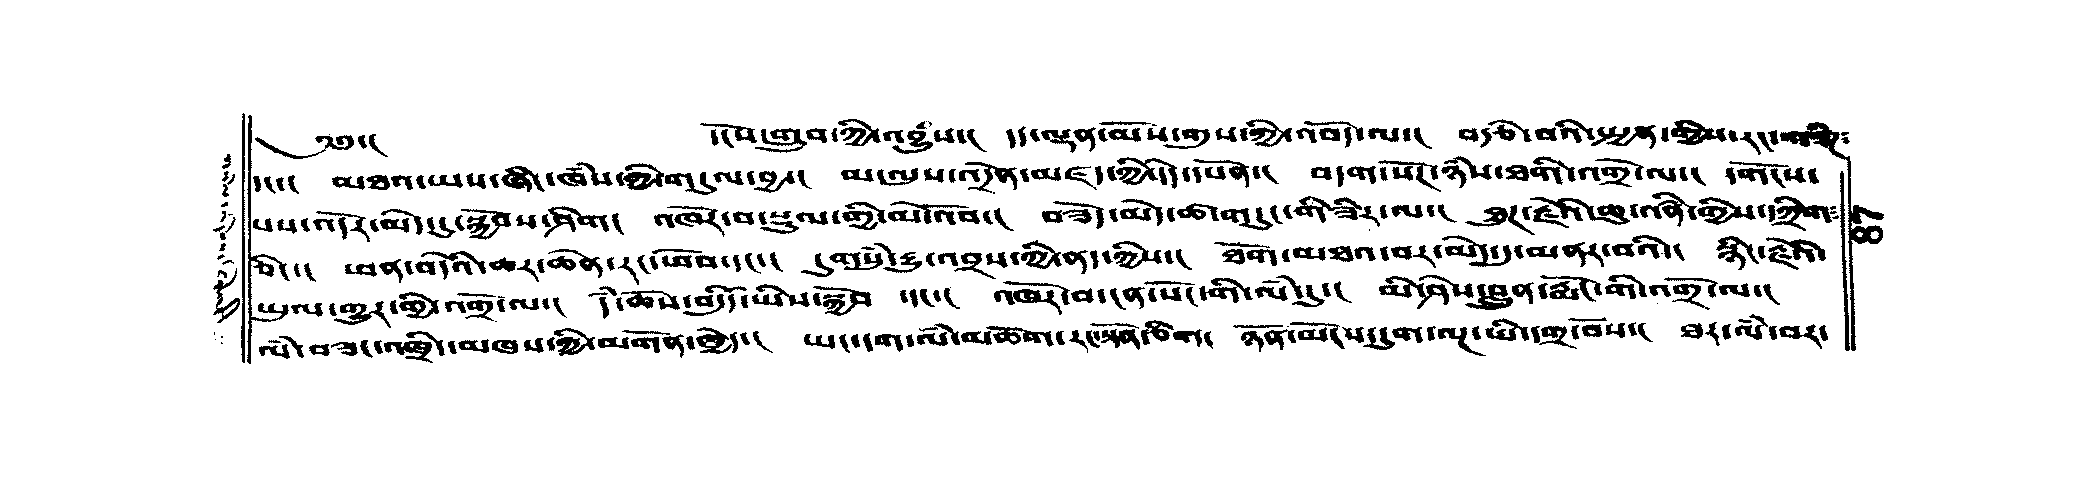དངོས་གྲུབ་ཀྱི་འབྱུང་གནས། །དད་ལྡན་མོས་གུས་ཀྱིས་འབོད་ལ། །བརྩེ་བའི་སྤྱན་གྱིས་རང་གཟིགས་
དང་། །མཐའ་ཡས་ཞིང་ཁམས་ཀྱི་གདུལ་བྱ། །མ་ལུས་འདྲེན་མཛད་ཀྱི་དེད་དཔོན། །བདག་སོགས་ཉམས་ཐག་གི་འགྲོ་ལ། །དགོངས་
པས་འདོར་མེད་དུ་སྐྱོབས་ཤིག།འཁོར་བ་སྡུག་བསྔལ་གྱི་མེ་འོབ། །བཟོད་མེད་ཚ་གདུང་གི་གཟིར་ལ། །ཐུགས་རྗེའི་ཆུ་འཛིན་གྱིས་དཀྲིག་
ཅིང་། །ཕན་བདེའི་ཆར་ཆེན་རང་ཕོབ་དང་། །དུག་གསུམ་རྒྱུ་འབྲས་ཀྱི་ནད་ཀྱིས། །ཐོག་མཐའ་བར་མེད་དུ་མནར་བའི། །སྙིང་རྗེའི་
ཡུལ་གྱུར་གྱི་འགྲོ་ལ། །དམ་ཆོས་བདུད་རྩི་ཡིས་སྐྱོབས་དང་། །འཁོར་བ་ངན་སོང་གི་ལམ་དུ། །མི་ཤེས་བླུན་རྨོང་གི་འགྲོ་ལ། །
ལམ་བཟང་འཁྲིད་མཁས་ཀྱི་མགོན་ཁྱེད། །ཡང་དག་ལམ་མཆོག་རང་སྟོན་ཞིག །ཉོན་མོངས་དུག་ལྔ་ཡི་དགྲ་བོས། །ཐར་ལམ་བར་